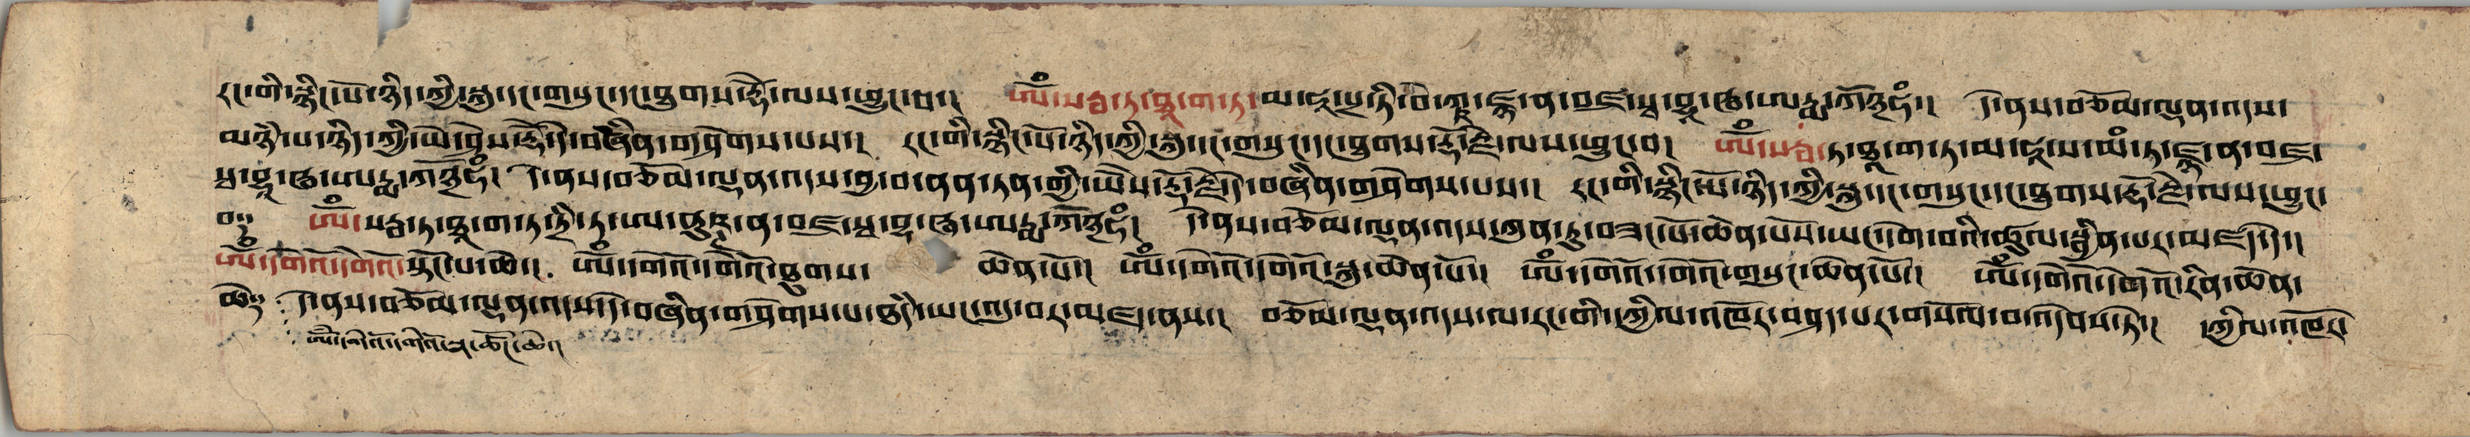རང་གི་སྙིང་པོ་ཉིད་ཀྱི་སྐུ་དང་གསུང་དང་ཐུགས་རྡོེ་ལས་ཕྱུང་བ་། ཨོཾ་སརྦ་ཏ་ཐཱ་ག་ཏ་མ་ཧཱ་པྲ་ཏི་བི་ཀྵ་ཛྙ་ན་བཛྲ་སྭ་བྷཱ་ཝ་ཨཏྨ་ཀོཉཧཾ་། དེ་ནས་བཅོམ་ལྡན་འདས་
མཉཾ་པ་ཉིད་ཀྱི་ཡེ་ཤེས་རྡོེ་དེ་བཞིན་གཤེགས་པས་། རང་གི་སྙིང་པོ་ཉིད་ཀྱི་སྐུ་དང་གསུང་དང་ཐུགས་རྡོ་རྗེ་ལས་ཕྱུང་བ་། ཨོཾ་སརྦ་ཏ་ཐཱ་ག་ཏ་མ་ཧཱ་པ་མཾ་ཏ་ཛྙ་ན་བཛྲ་
སྭ་བྷཱ་ཝ་ཨཏྨ་ཀོ྅ཧཾ། དཻ་ནས་བཅོམ་ལྡན་འདས་བྱ་བ་ནན་ཏན་གྱི་ཡཻས་རྡོ་རྗེ་དེ་བཞིན་གཤེགས་པས་། རང་གི་སྙིང་པོ་ཉིད་ཀྱི་སྐུ་དང་གསུང་དང་ཐུགས་རྡོ་རྗེ་ལས་ཕྱུང་
བ༑ ཨོཾ་སརྦ་ཏ་ཐཱ་ག་ཏ་ཏྲི་ཏ་ཨ་ནུཥྚ་ན་བཛྲ་སྭ་བྷཱ་ཝ་ཨཏྨ་ཀོ྅ཧཾ། དེ་ནས་མཅོམ་ལྡན་འདས་ཀུན་ཏུ་བཟང་པོ་ཆེན་པོས་ཡང་དགེ་བའི་ཚུལ་སྦྱིན་པར་མཛད་དེ་།
ཨོཾ་དགེའོ་དགེའོ་སྟོང་པ་ཆེ་། ཨོཾ་དགེའོ་དགེའོ་ཐུགས་ ཆེན་པོ་། ཨོཾ་དགེའོ་དགེའོ་སྐུ་ཆེན་པོ་། ཨོཾ་དགེའོ་དགེའོ་གསུང་ཆེན་པོ་། ཨོཾ་དགེའོ་དགེའོ་རིན་ཆེན་
ཆེ༑ དེ་ནས་བཅོམ་ལྡན་འདས་དེ་བཞིན་གཤེགས་པ་ཐཾད་ཡང་འདུ་བར་མཛད་ནས་། བཅོམ་ལྡན་འདས་ལ་རང་གི་དཀྱིལ་འཁོར་བཤད་པར་གསོལ་བ་འདེབས་ཏེ་། དཀྱིལ་འཁོར་
ཨོཾ་དགེའོ་དགེའོ་སྣ་ཚོཌ་ཆེ་།